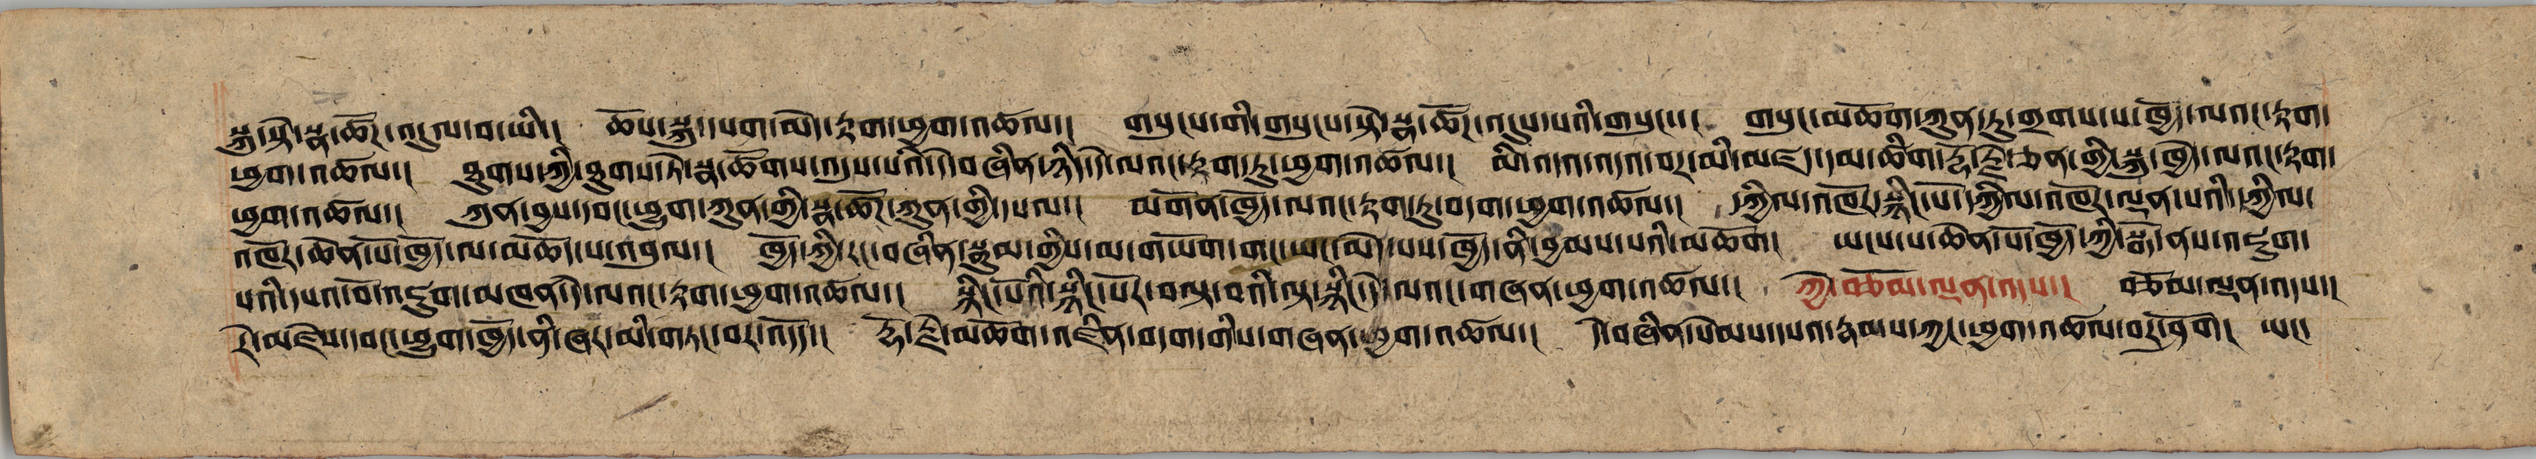སྐུ་སྟེ་སྣ་ཚོཌ་འདུལ་བ་ཡི་། ཆོས་སྐུ་དཔག་མེད་རྟག་ཕྱག་འཚལ་། གསུངས་གི་གསུངས་སྟེ་སྣ་ཚོཌ་འདུས་པའི་གསུང་་། གསུང་མཆོག་ཀུན་ཏུ་གྲགས་པ་ཁྱོད་ལའང་རྟག་
ཕྱག་འཚལ་། ཐུགས་ཀྱི་ཐུགས་ཏེ་སྣ་ཚོགས་འདུས་པའི་དེ་བཞིན་ཉིད་དེ་ལའང་རྟག་ཏུ་ཕྱག་འཚལ་། མི་འདའ་བར་མི་མཛད་དམ་ཚིག་རྡོ་རྗེ་ཅན་གྱི་སྐུ་ཁྱེད་ལའང་རྟག་
ཕྱག་འཚལ་། ཀུན་བྱས་དབང་ཕྱུག་ཀུན་གྱི་སྣ་ཚོཌ་ཀུན་གྱི་དཔལ་། མགོན་ཁྱོད་ལའང་རྟག་ཏུ་བདག་ཕྱག་འཚལ་། དཀྱིལ་འཁོར་སྙིང་པོ་དཀྱིལ་འཁོར་ལྡན་པའི་དཀྱིལ་
འཁོར་ཆེན་པོ་ཁྱོད་ལ་མཆོད་པ་འབུལ་། ཁྱོད་ཀྱི་རང་བཞིན་སྣུམ་གྱིས་མ་གཡོག་གང་དག་མེད་པས་ཁྱོད་ནི་བྱམས་པའི་མཆོག། ཡངས་པ་ཆེན་པོ་ཁྱོད་ཀྱི་སྒོ་ནས་འཇུག་
པའི་དཔའ་བོ་འཇུག་མཁན་དེ་ལའང་རྟག་ཕྱག་འཚལ་། སྙིང་པོའི་སྙིང་པོར་བལྟ་བའི་ལྟ་སྙིང་དེ་ལའང་གཞན་ཕྱག་འཚལ་། ཀྱེ་བཅོམ་ལྡན་འདས་། བཅོམ་ལྡན་འདས་།
རེ་མཛེས་དབང་ཕྱུག་ཁྱོད་ནི་ཞར་མི་གཏང་བར་འདོད་། རྡོ་རྗེ་མཆོག་འཛིན་བདག་གིས་གཞན་ཕྱག་འཚལ་། དེ་བཞིན་སེམས་དཔའ་རྣམས་ཀྱང་ཕྱག་འཚལ་བར་ཤོག། ཡང་